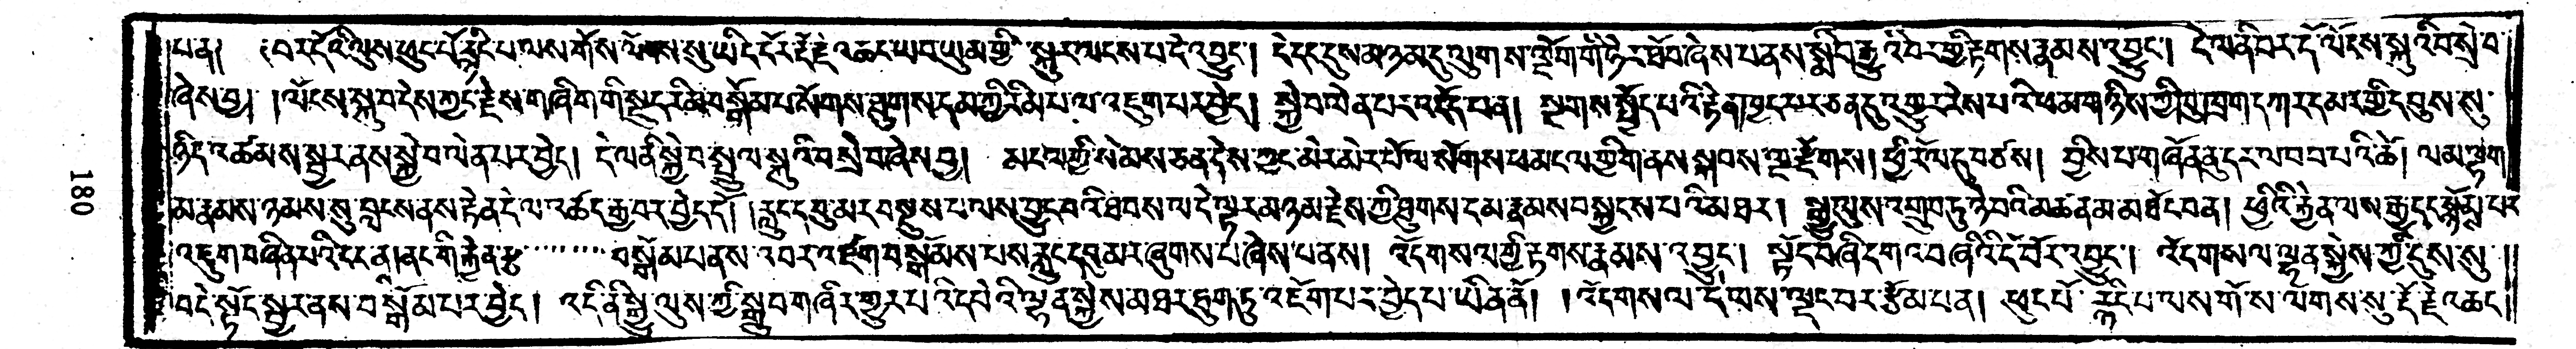པ་ན༑ ༑བར་དོའི་ལུས་ཕུང་པོ་རྙིང་པ་ལས་གོས་ལོགས་སུ་ཡིད་ངོར་རྡོ་རྗེ་འཆང་ཡབ་ཡུམ་གྱི་སྐུར་ལངས་པ་དེ་འབྱུང་། དེ་དང་དུས་མཉམ་དུ་ལུགས་ལྡོག་གི་ཉེར་ཐོབ་ཞེས་པ་ནས་སྨིག་རྒྱུའི་བར་གྱི་རྟགས་རྣམས་འབྱུང་། དེ་ལ་ནི་བར་དོ་ལོངས་སྐུའི་བསྲེ་བ་
ཞེས་བྱ། །ལོངས་སྐུ་བ་དེས་ཀྱང་རྗེས་གཞིག་གི་སྡུད་རིམ་བསྒོམ་པ་སོགས་ཐུགས་དམ་གྱི་རིམ་པ་ལ་འཇུག་པར་བྱེད། སྐྱེ་བ་ལེན་པར་འདོད་པ་ན། སྔགས་སྤྱོད་པའི་རྟེན་ཁྱད་པར་ཅན་དུ་འགྱུར་རེས་པའི་ཕ་མ་གཉིས་ཀྱི་ཁུ་ཁྲག་དཀར་དམར་གྱི་དབུས་སུ་
ཉིད་འཚམས་སྦྱར་ནས་སྐྱེ་བ་ལེན་པར་བྱེད། དེ་ལ་ནི་སྐྱེ་བ་སྤྲུལ་སྐུའི་བསྲེ་བ་ཞེས་བྱ། མངལ་གྱི་སེམས་ཅན་དེས་ཀྱང་མེར་མེར་པོ་ལ་སོགས་ཕ་མངལ་གྱི་གནས་སྐབས་ལྔ་རྫོགས། ཕྱི་རོལ་དུ་བཙས། བྱིས་པ་གཞོན་ནུ་དར་ལ་བབ་པའི་ཚེ། ལམ་ལྷག་
མ་རྣམས་ཉམས་སུ་བླངས་ནས་རྟེན་དེ་ལ་འཚང་རྒྱ་བར་བྱེད་དོ། །རླུང་དབུ་མར་བསྡུས་པ་ལས་བྱུང་བའི་ཐབས་ལ་དེ་ལྟར་མཉམ་རྗེས་ཀྱི་ཐུགས་དམ་རྣམས་བསྐྱངས་པའི་མཐར། སྒྱུ་ལུས་འགྲུབ་ཏུ་ཉེ་བའི་མཚན་མ་མཐོང་བ་ན། ཕྱིའི་རྐྱེན་ལས་རྒྱ་དང་སྙོམས་པར་
འཇུག་བཞིན་པའི་ངང་ན། ནང་གི་རྐྱེན་རྩ་བསྒོམ་པ་ནས་འབར་འཛག་བསྒོམས་པས་རླུང་དབུ་མར་ཞུགས་པ་ཞེས་པ་ནས། འོད་གསལ་གྱི་རྟགས་རྣམས་འབྱུང་། སྟོང་བཞི་དགའ་བཞིའི་ངོ་བོར་འབྱུང་། འོད་གསལ་ལྷན་སྐྱེས་ཀྱི་དུས་སུ་
བདེ་སྟོང་སྦྱར་ནས་བསྒོམ་པར་བྱེད། འདི་ནི་སྒྱུ་ལུས་ཀྱི་སྒྲུབ་གཞིར་གྱུར་པའི་དཔེའི་ལྷན་སྐྱེས་མཐར་ཐུག་ཏུ་འཇོག་པར་བྱེད་པ་ཡིན་ནོ། །འོད་གསལ་དེ་ལས་ལྡང་བར་རྩོམ་པན། ཕུང་པོ་རྙིང་པ་ལས་གོ་ས་ལགས་སུ་རྡོ་རྗེ་འཆང་